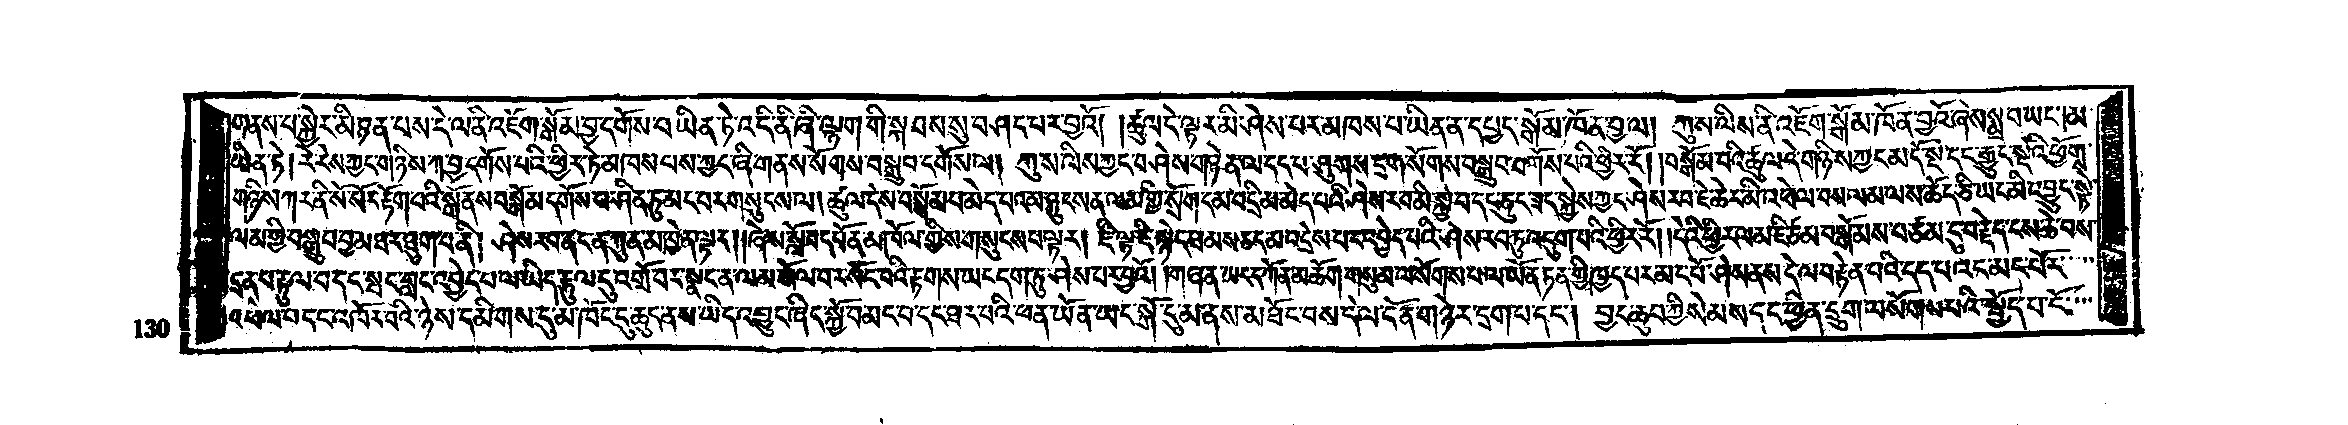གནས་པ་སྐྱེར་མི་ཉན་པས་དེ་ལ་ནི་འཇོག་སྒོམ་བྱ་དགོས་པ་ཡིན་ཏེ་འདི་ནི་ཞི་ལྷག་གི་སྐབས་སུ་བཤད་པར་བྱའོ། །ཚུལ་དེ་ལྟར་མི་ཤེས་པར་མཁས་པ་ཡིན་ན་དཔྱད་སྒོམ་ཁོ་ན་བྱ་ལ། ཀུ་ས་ལིས་ནི་འཇོག་སྒོམ་ཁོ་ན་བྱའོ་ཞེས་སྨྲ་བ་ཡང་། མ་
ཡིན་ཏེ། རེ་རེས་ཀྱང་གཉིས་ཀ་བྱ་དགོས་པའི་ཕྱིར་ཏེ་མཁས་པས་ཀྱང་ཞི་གནས་སོགས་བསྒྲུབ་དགོས་ལ། ཀུ་ས་ལིས་ཀྱང་བཤེས་གཉེན་ལ་དད་པ་ཤུགས་དྲག་སོགས་བསྒྲུབ་དགོས་པའི་ཕྱིར་རོ། །བསྒོམ་པའི་ཚུལ་དེ་གཉིས་ཀྱང་མདོ་སྡེ་དང་རྒྱུད་སྡེའི་ཕྱོགས་
གཉིས་ཀར་ནི་སོ་སོར་རྟོག་པའི་སྒོ་ནས་བསྒོམ་དགོས་པ་ཤིན་ཏུ་མང་བར་གསུངས་ལ། ཚུལ་དེས་བསྒོམ་པ་མེད་པའམ་ཉུངས་ན་ལམ་གྱི་སྲོག་དམ་བ་དྲི་མ་མེད་པའི་ཤེས་རབ་མི་སྐྱེ་བ་དང་ཅུང་ཟད་སྐྱེས་ཀྱང་ཤེས་རབ་ཇེ་ཆེར་མི་འཕེལ་བས་ལམ་ལ་ས་ཆོད་ཅི་ཡང་མི་འབྱུང་སྟེ་
ལམ་གྱི་བསྒྲུབ་བྱ་མཐར་ཐུག་པ་ནི། ཤེས་རབ་ནང་ན་ཀུན་མཁྱེན་ལྟར། །ཞེས་སློབ་དཔོན་མཁོལ་གྱིས་གསུངས་པ་ལྟར། ཇི་ལྟ་ཇི་སྙེད་ཐམས་ཅད་མ་འདྲེས་པར་འབྱེད་པའི་ཤེས་རབ་ཏུ་འདུག་པའི་ཕྱིར་རོ། །དེའི་ཕྱིར་ལམ་ཇི་ཙམ་བསྒོམས་པ་ཙམ་དུ་བརྗེད་ངས་ཆེ་བས་
དྲན་པ་རྟུལ་བ་དང་སྤང་བླང་འབྱེད་པ་ལ་ཡིད་རྟུལ་དུ་འགྲོ་བར་སྣང་ན་ལམ་གོལ་བར་སོང་བའི་རྟགས་ཡང་དག་ཏུ་ཤེས་པར་བྱའོ། །གཞན་ཡང་དཀོན་མཆོག་གསུམ་ལ་སོགས་པ་ལ་ཡོན་ཏན་གྱི་ཁྱད་པར་མང་པོ་ཤེས་ནས་དེ་ལ་བརྟེན་པའི་དད་པའང་མང་པོར་
འཕེལ་བ་དང་འཁོར་བའི་ཉེས་དམིགས་དུ་མ་ཁོང་དུ་ཆུད་ནས་ཡིད་འབྱུང་ཞིང་སྐྱོ་བ་མང་བ་དང་ཐར་པའི་ཕན་ཡོན་ཡང་སྒོ་དུ་མ་ནས་མཐོང་བས་དེ་ལ་དོན་གཉེར་དྲག་པ་དང་། བྱང་ཆུབ་ཀྱི་སེམས་དང་ཕྱིན་དྲུག་ལ་སོགས་པའི་སྤྱོད་པ་ངོ་